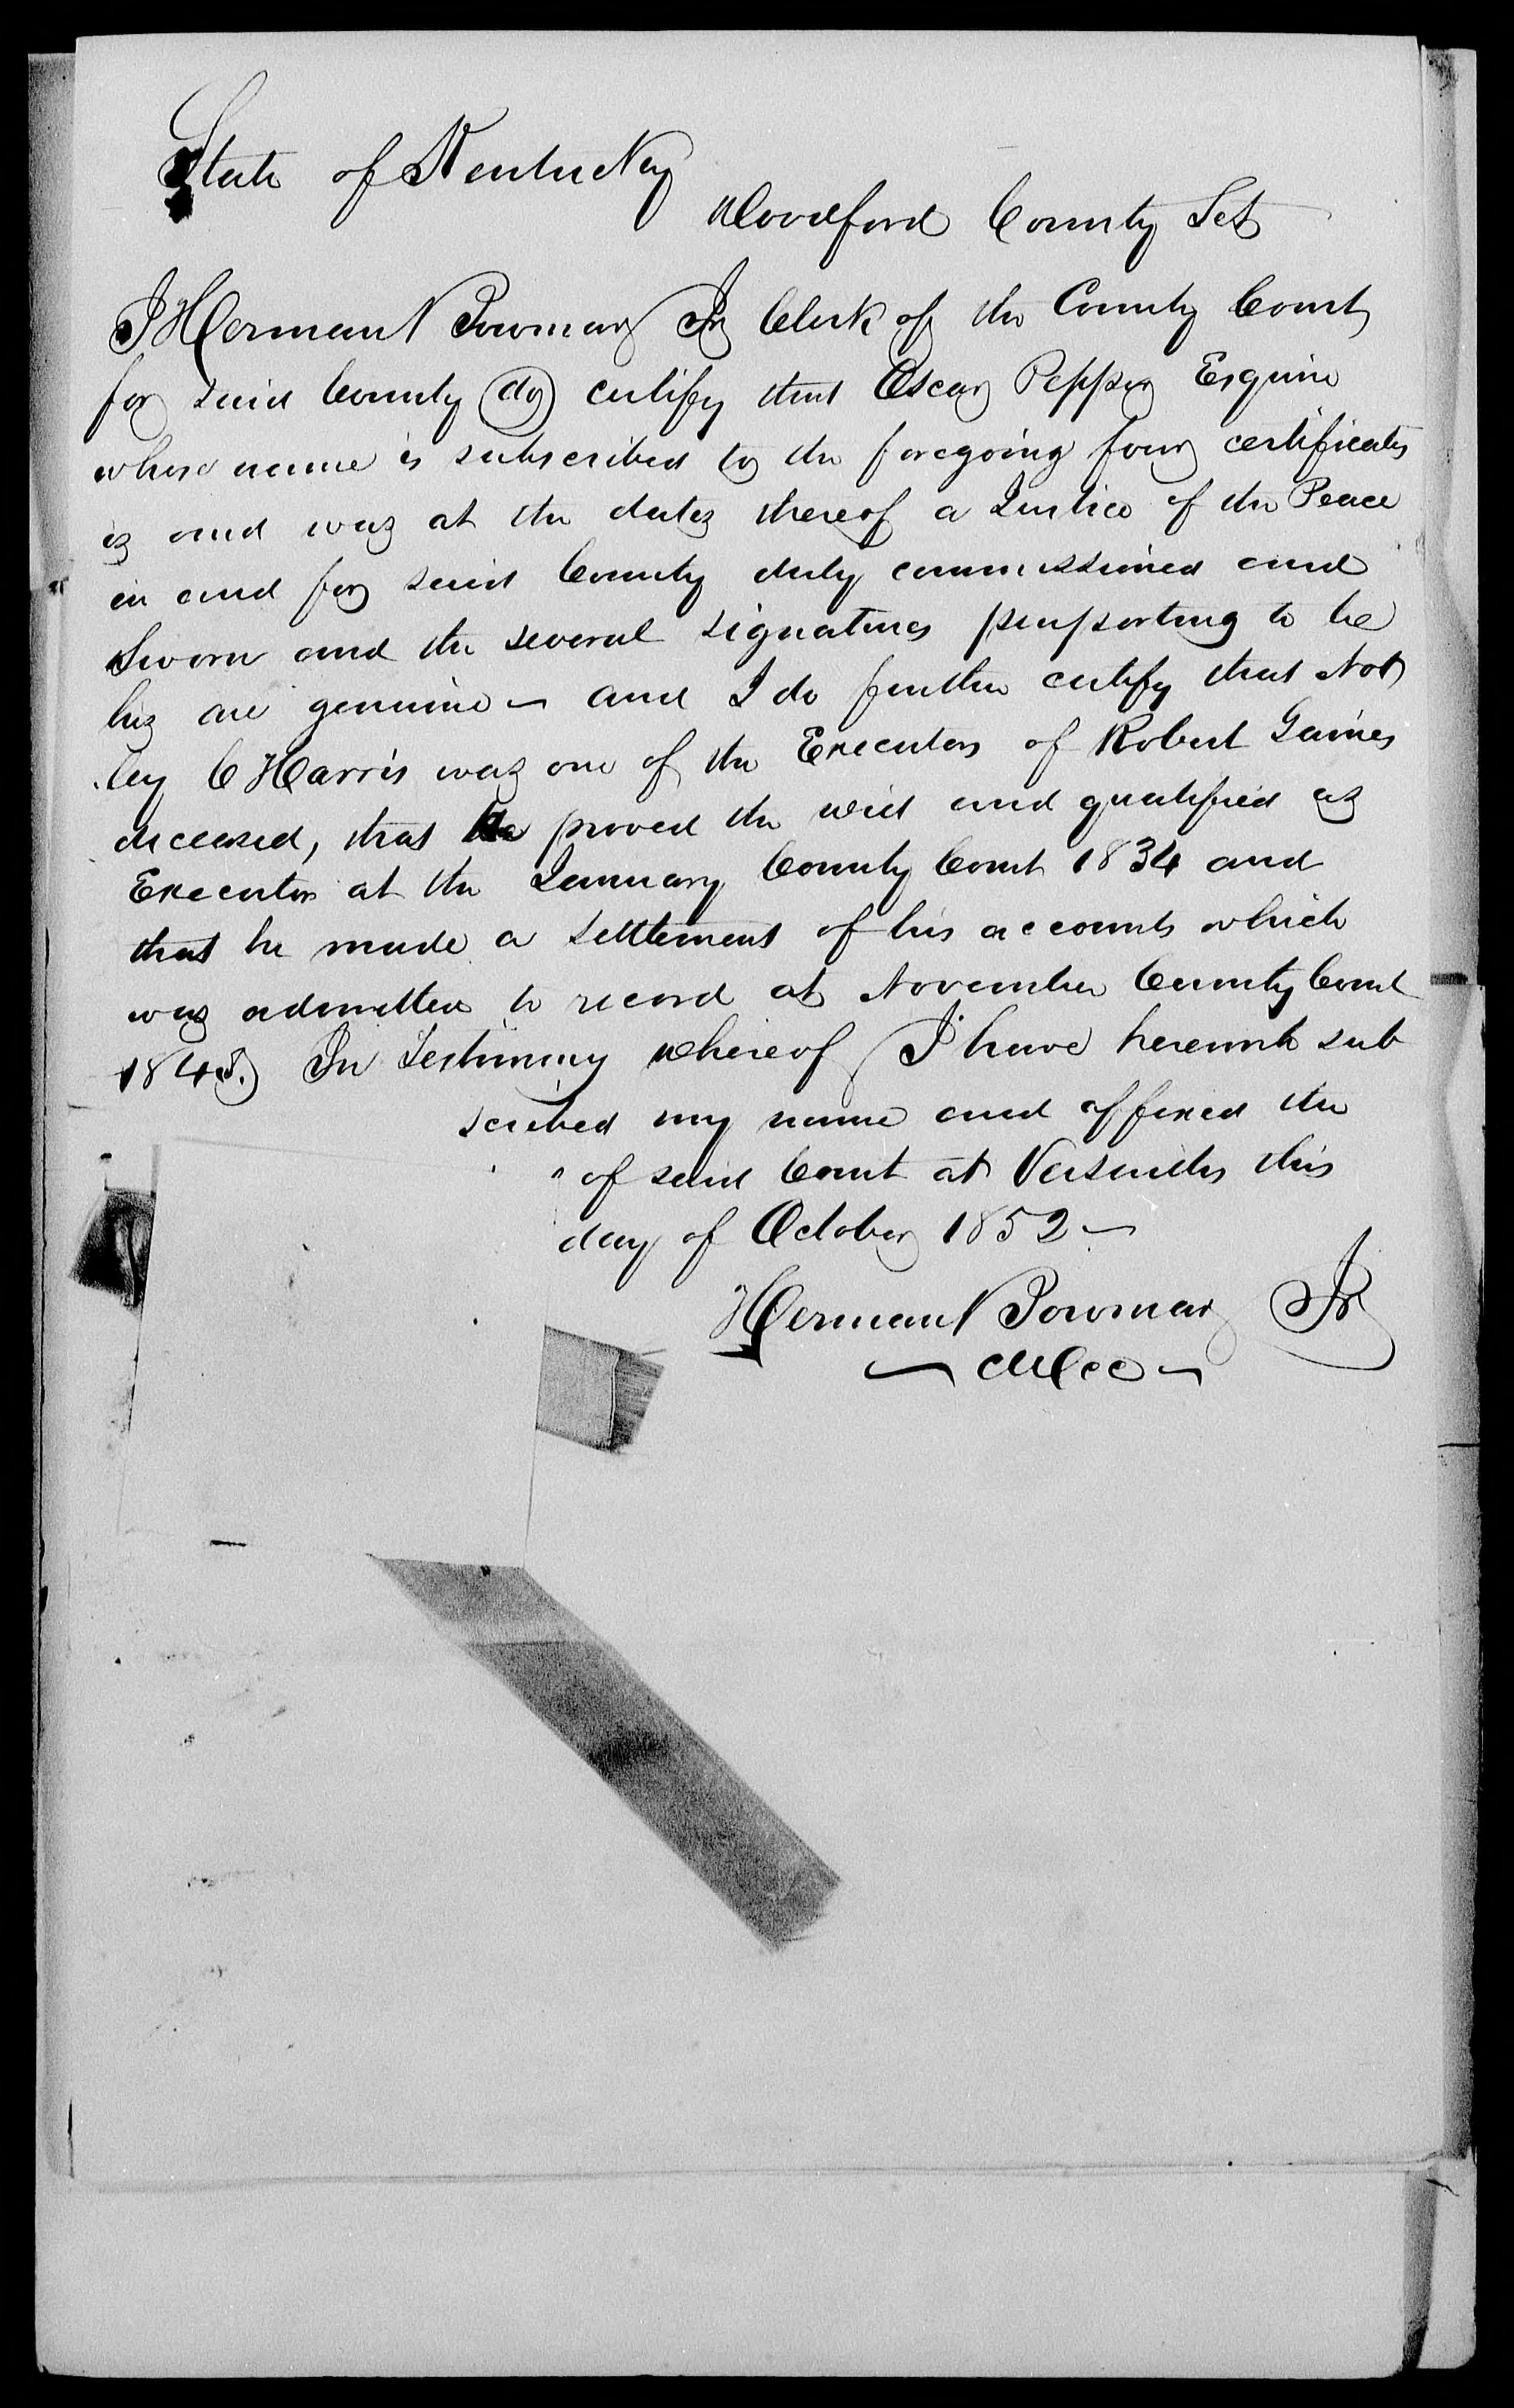State of Kentucky
Woodford County Sct
I Herman Bowmar Jr Clerk of the County Court
for said County do certify that Oscar Pepper Esquire
whose name is subscribed to the foregoing four certificates
is and was at the date thereof a Justice of the Peace
in and for said County duly commissioned and
Sworn and the several signatures purporting to be
his are genuine- and I do further certify that Notley
C Harris was one of the Executors of Robert Gaines
deceased, that he proved the will and qualified as
Executor at the January County Court 1834 and
that he made a settlement of his accounts which
was admitted to record at November County Court
1841 [?] In Testimony whereof I have hereunto subscribed 
my name and affixed the
[illegible] of said Court at Versailles this
[illegible] day of October 1852-
Herman Bowmar Jr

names: Oscar Pepper, Herman Bowmar, Herman Bowmar, Notley C Harris, Robert Gaines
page: 73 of 79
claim: rejected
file: R. 3863, Robert Gaines, Va.